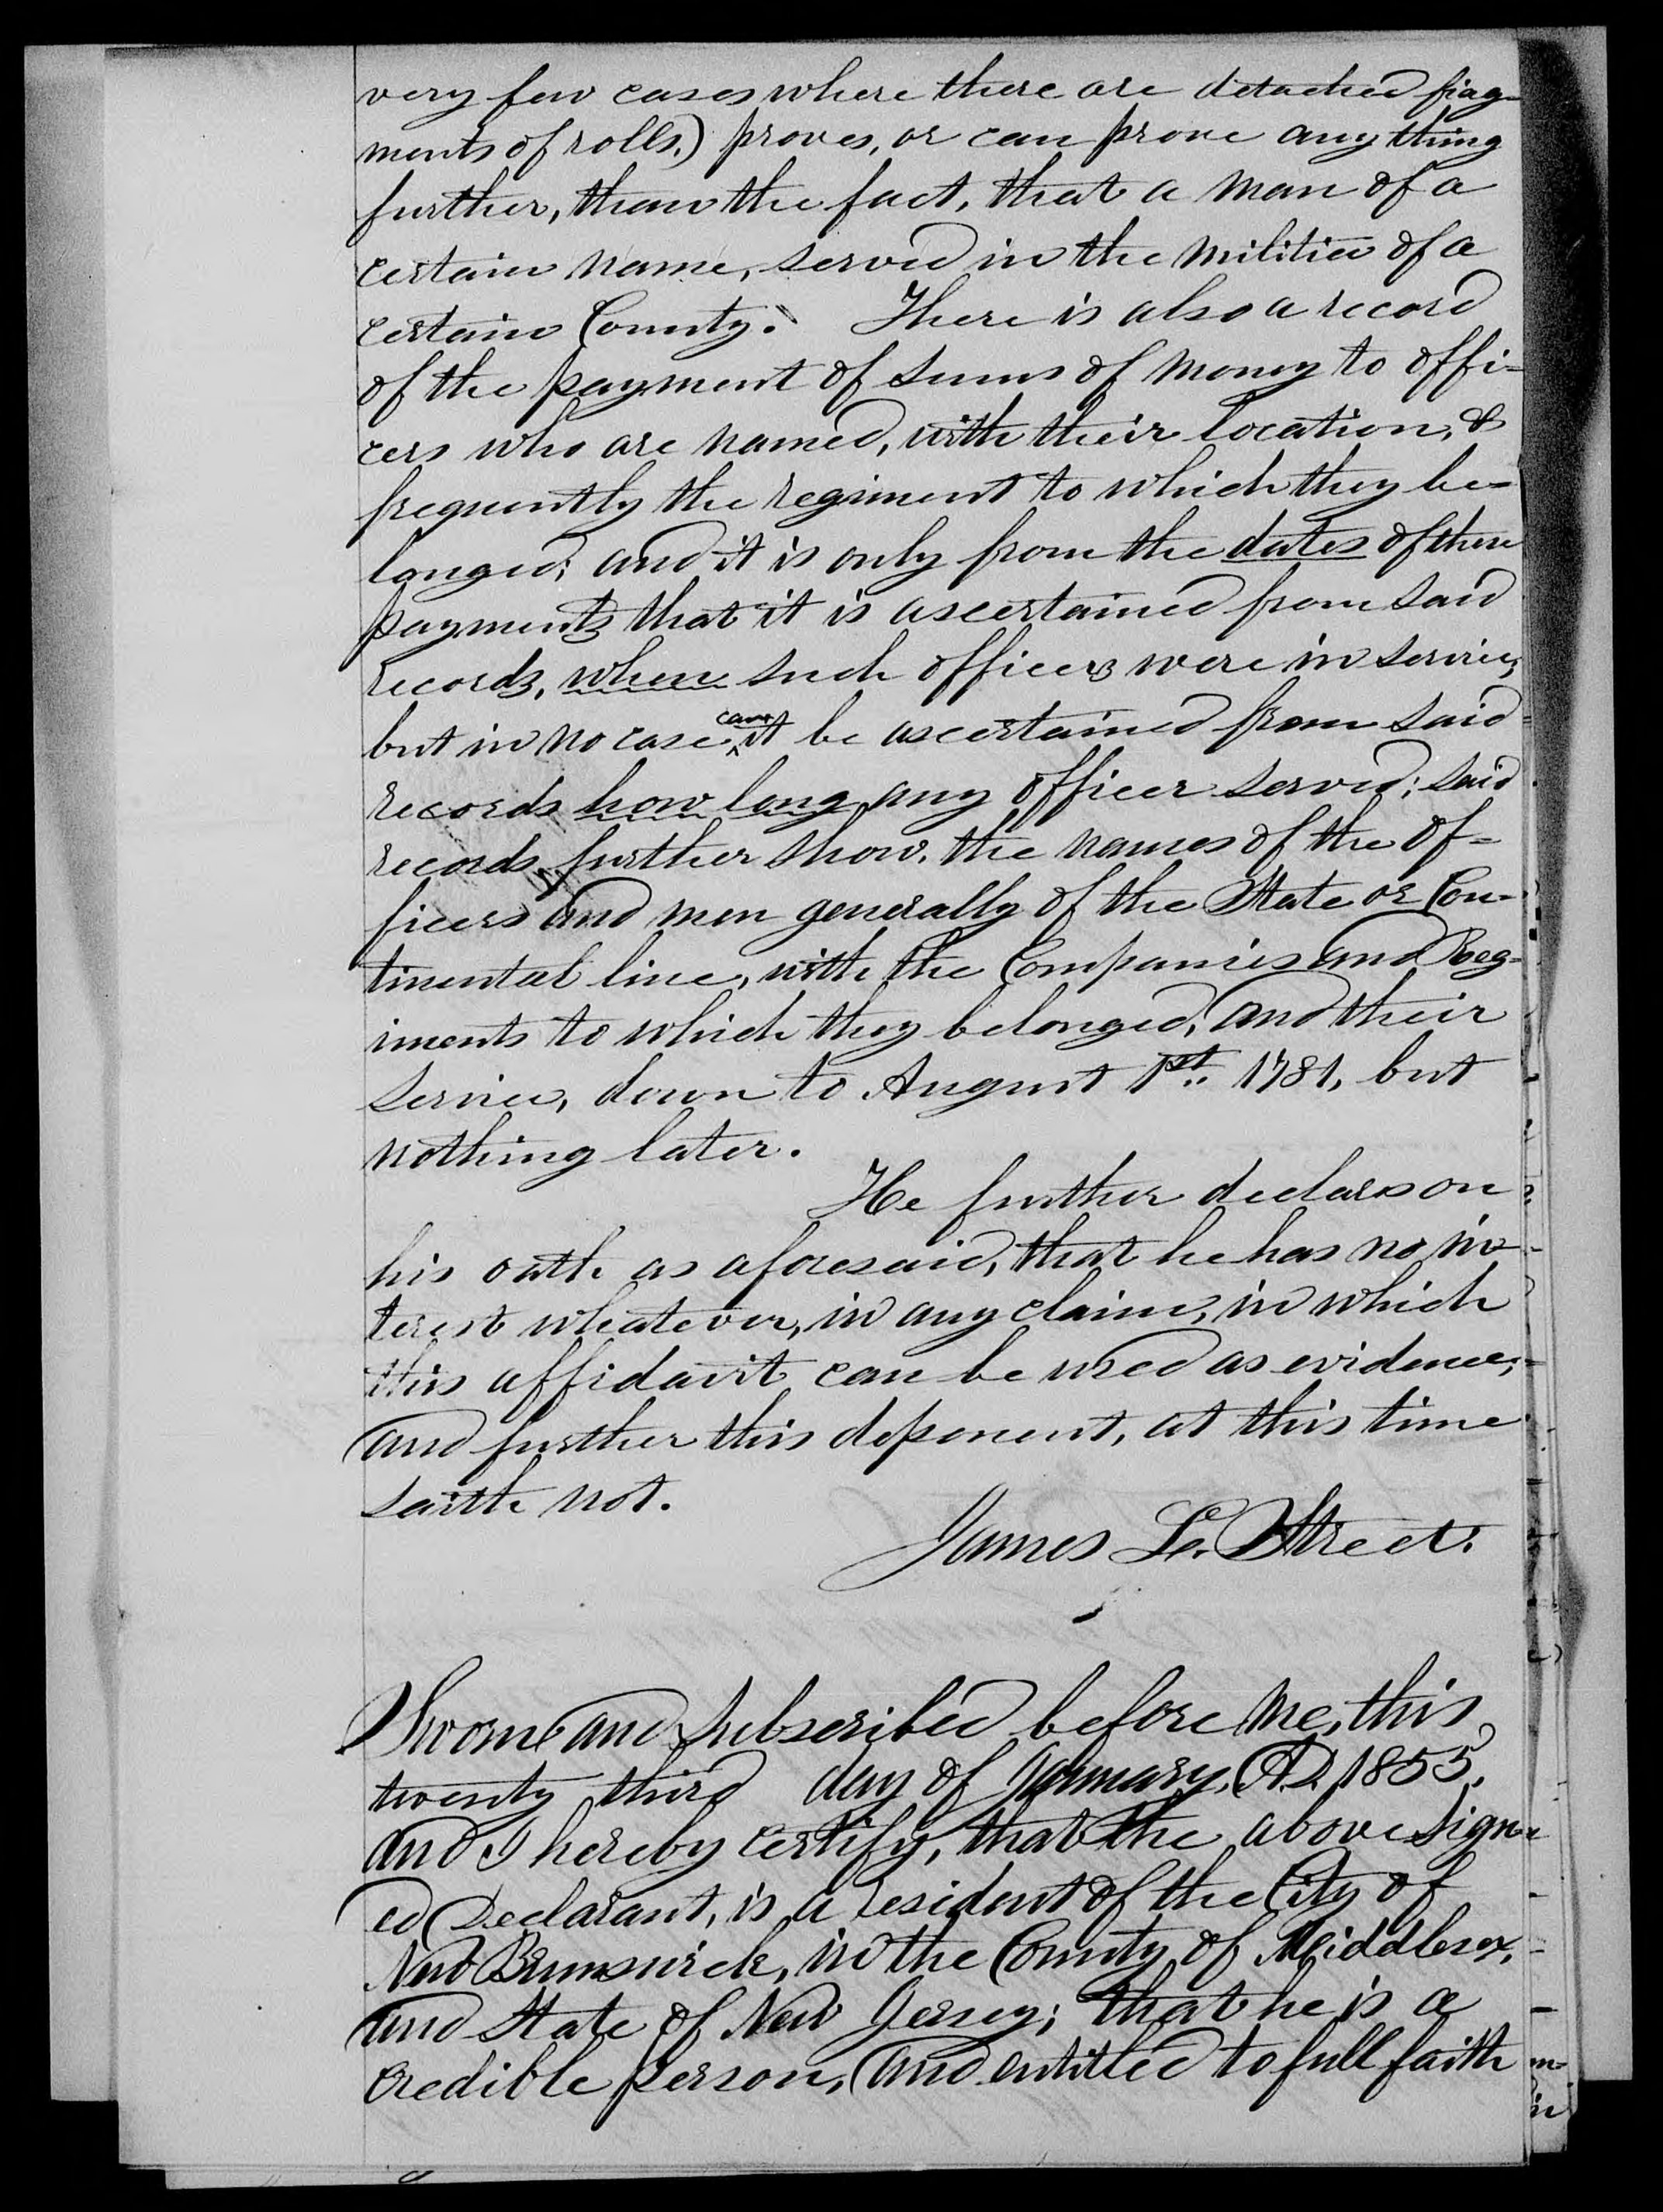...very few cases where there are detached fragments of rolls,) proves or can prove any thing further than the fact that a man of a certain name served in the militia of a certain County. There is also a record of the payment of sums of money to officers who are named with their location, & frequently the regiment to which they belonged, and it is only from the dates of these payments that it is ascertained from said records when such officers were in service, but in no case it be ascertained from said records how long any officer served; said records further show the names of the officers and men generally of the State or Continental Line with the companies and regiments to which they belonged and their services down to August 1st 1781, but nothing later.

He further declares on his oath as aforesaid that he has no interest whatever in any claim in which this affidavit can be used as evidence and further this deponent at this time saith not.
s/ James L. Street

Sworn and subscribed before me this Twenty third day of January A.D. 1853, and I hereby certify that the above signed declarant is a resident of the City of New Brunswick in the County of Middlesex and State of New Jersey, that he is a credible person and entitled to full faith...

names: James L Street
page: 22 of 95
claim: survivor's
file: S 2889, for Levi Mundy, New Jersey